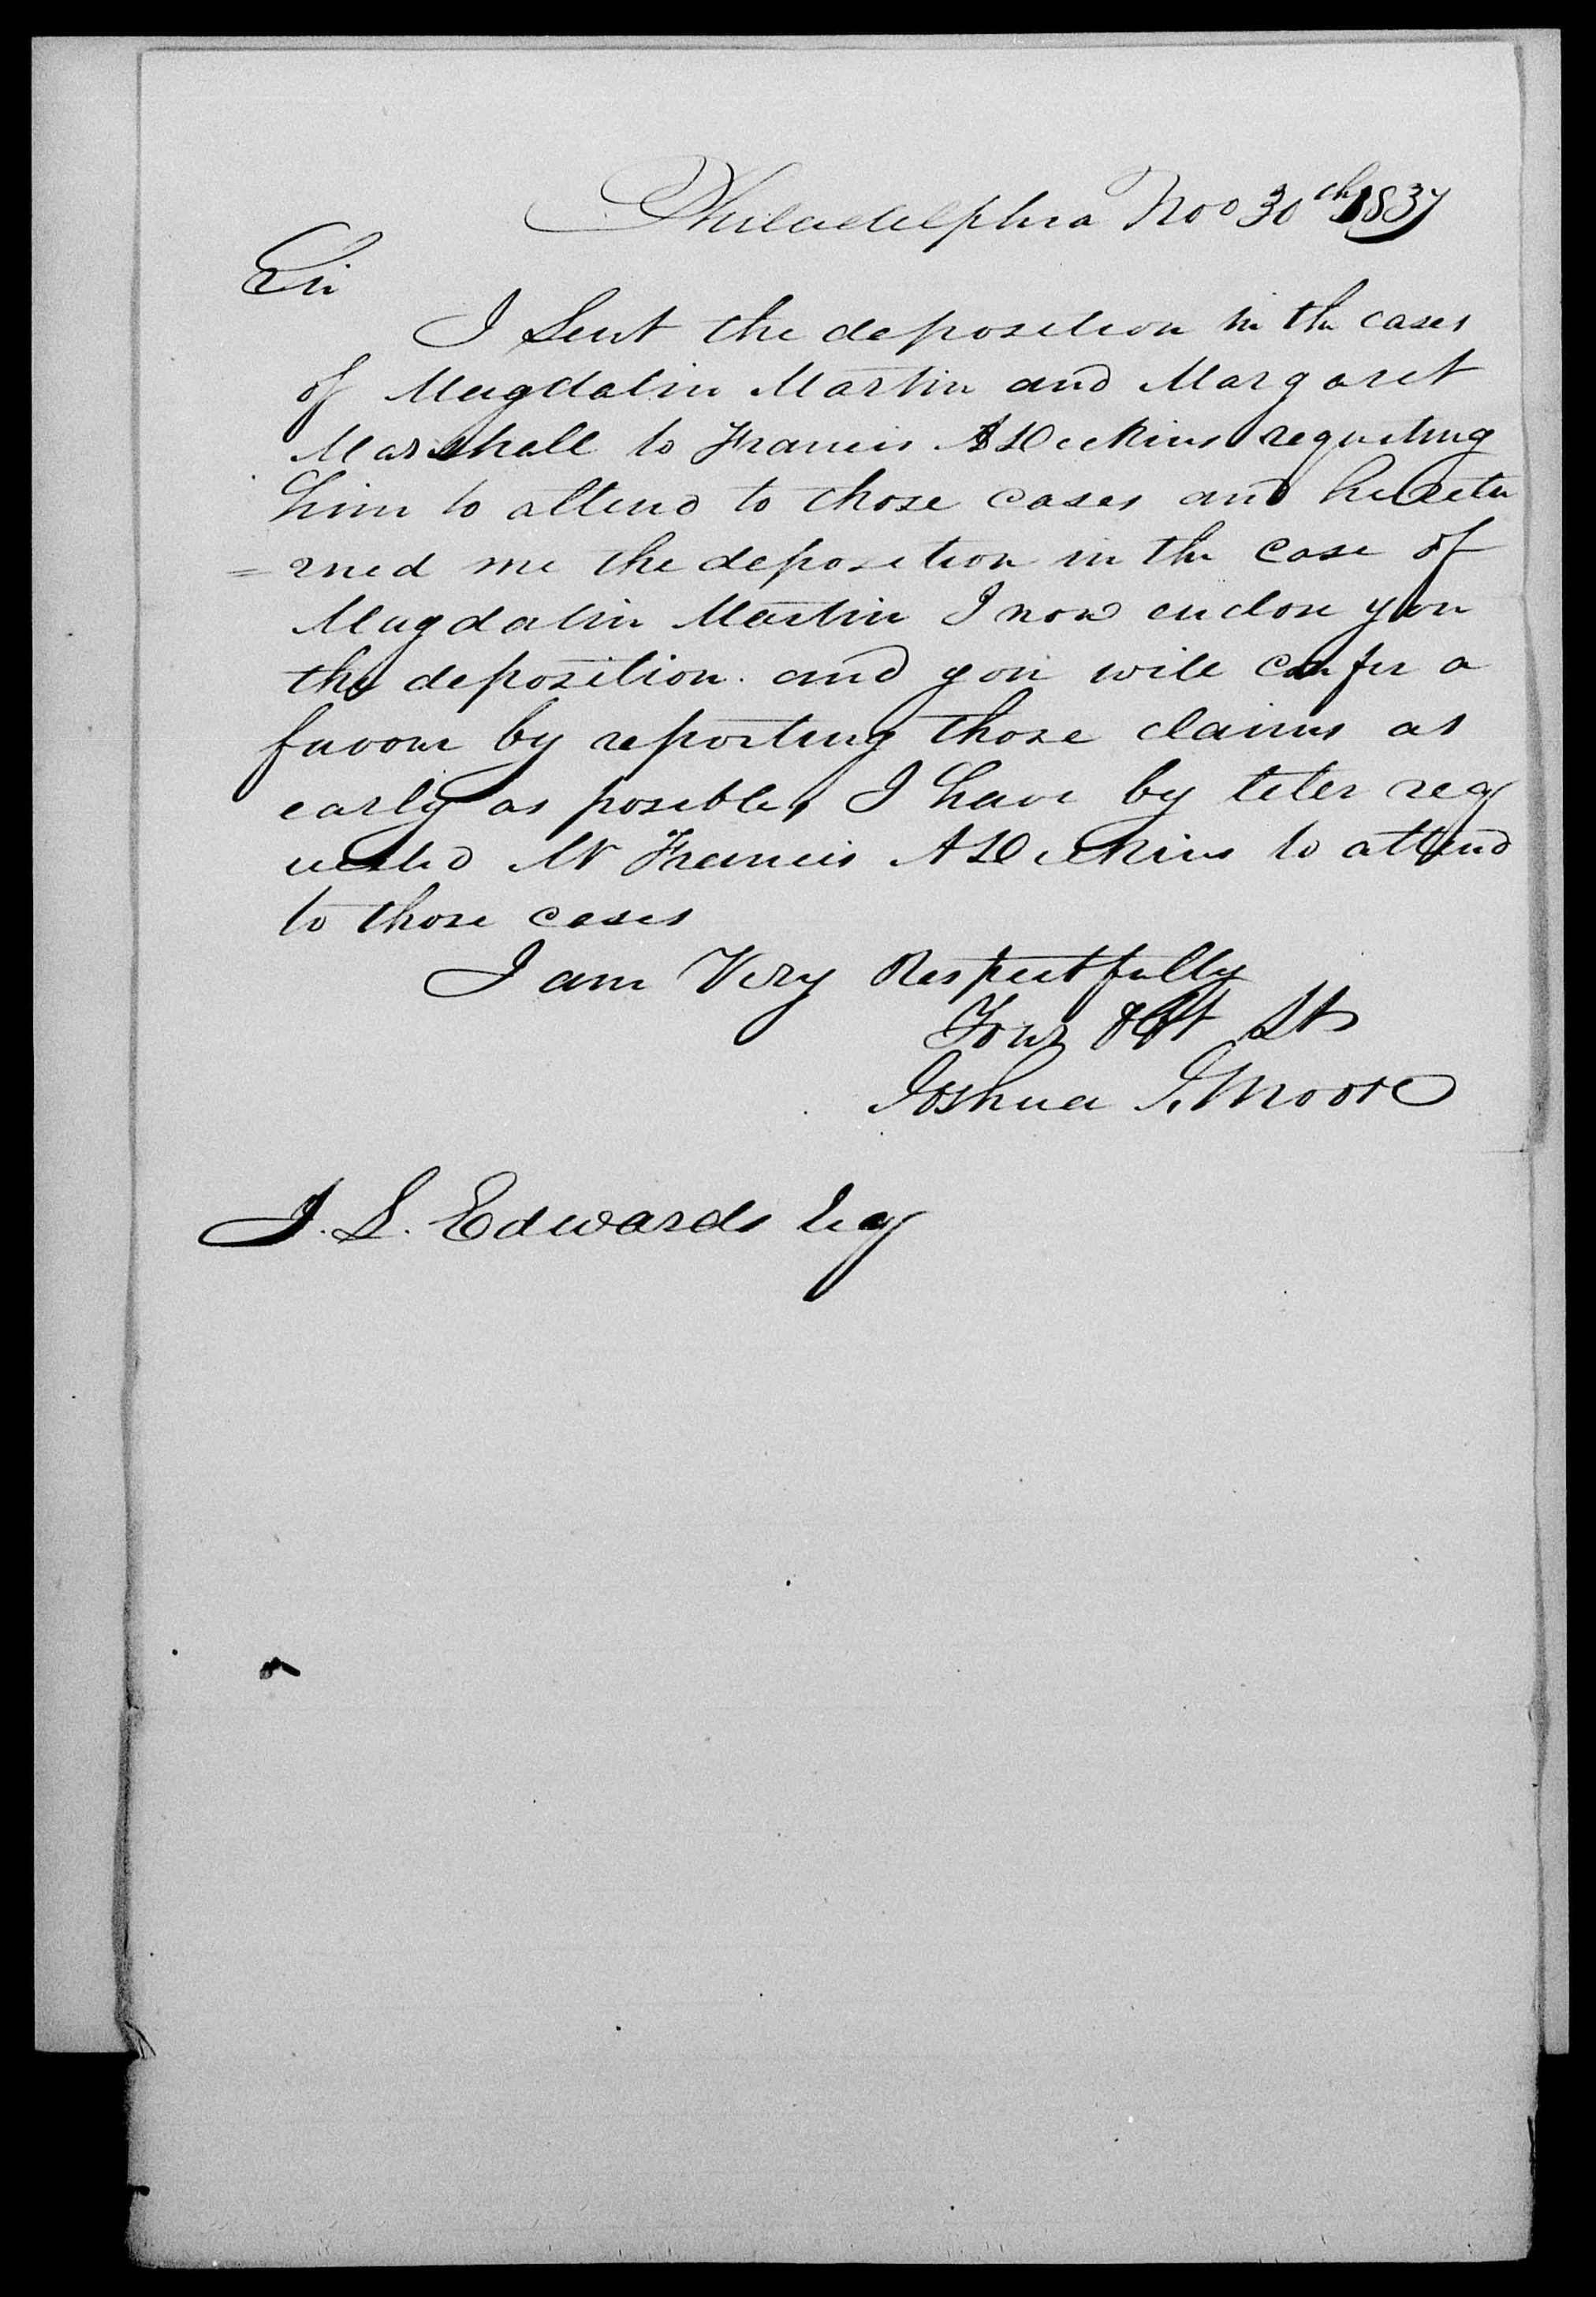Philadelphia Nov 30th 1834

Sir

I sent the deposition in the cases of Magdaline Martin and Margaret Marshall to Francis  Adkins requesting him to attend to those cases and [illegible] me the deposition in the case of Magdaline Martin. I now enclose you the deposition and you will confer a favour by reporting these claims as early as possible. I have by teler requested Mr. Francis Adkins to attend to those cases.

I am Very Respectfully 
Your obt St
Joshua G. Moore

J.S. Edwards Esq.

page: 46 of 86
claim: widow's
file: W. 3571, for David Marshall, Pennsylvania